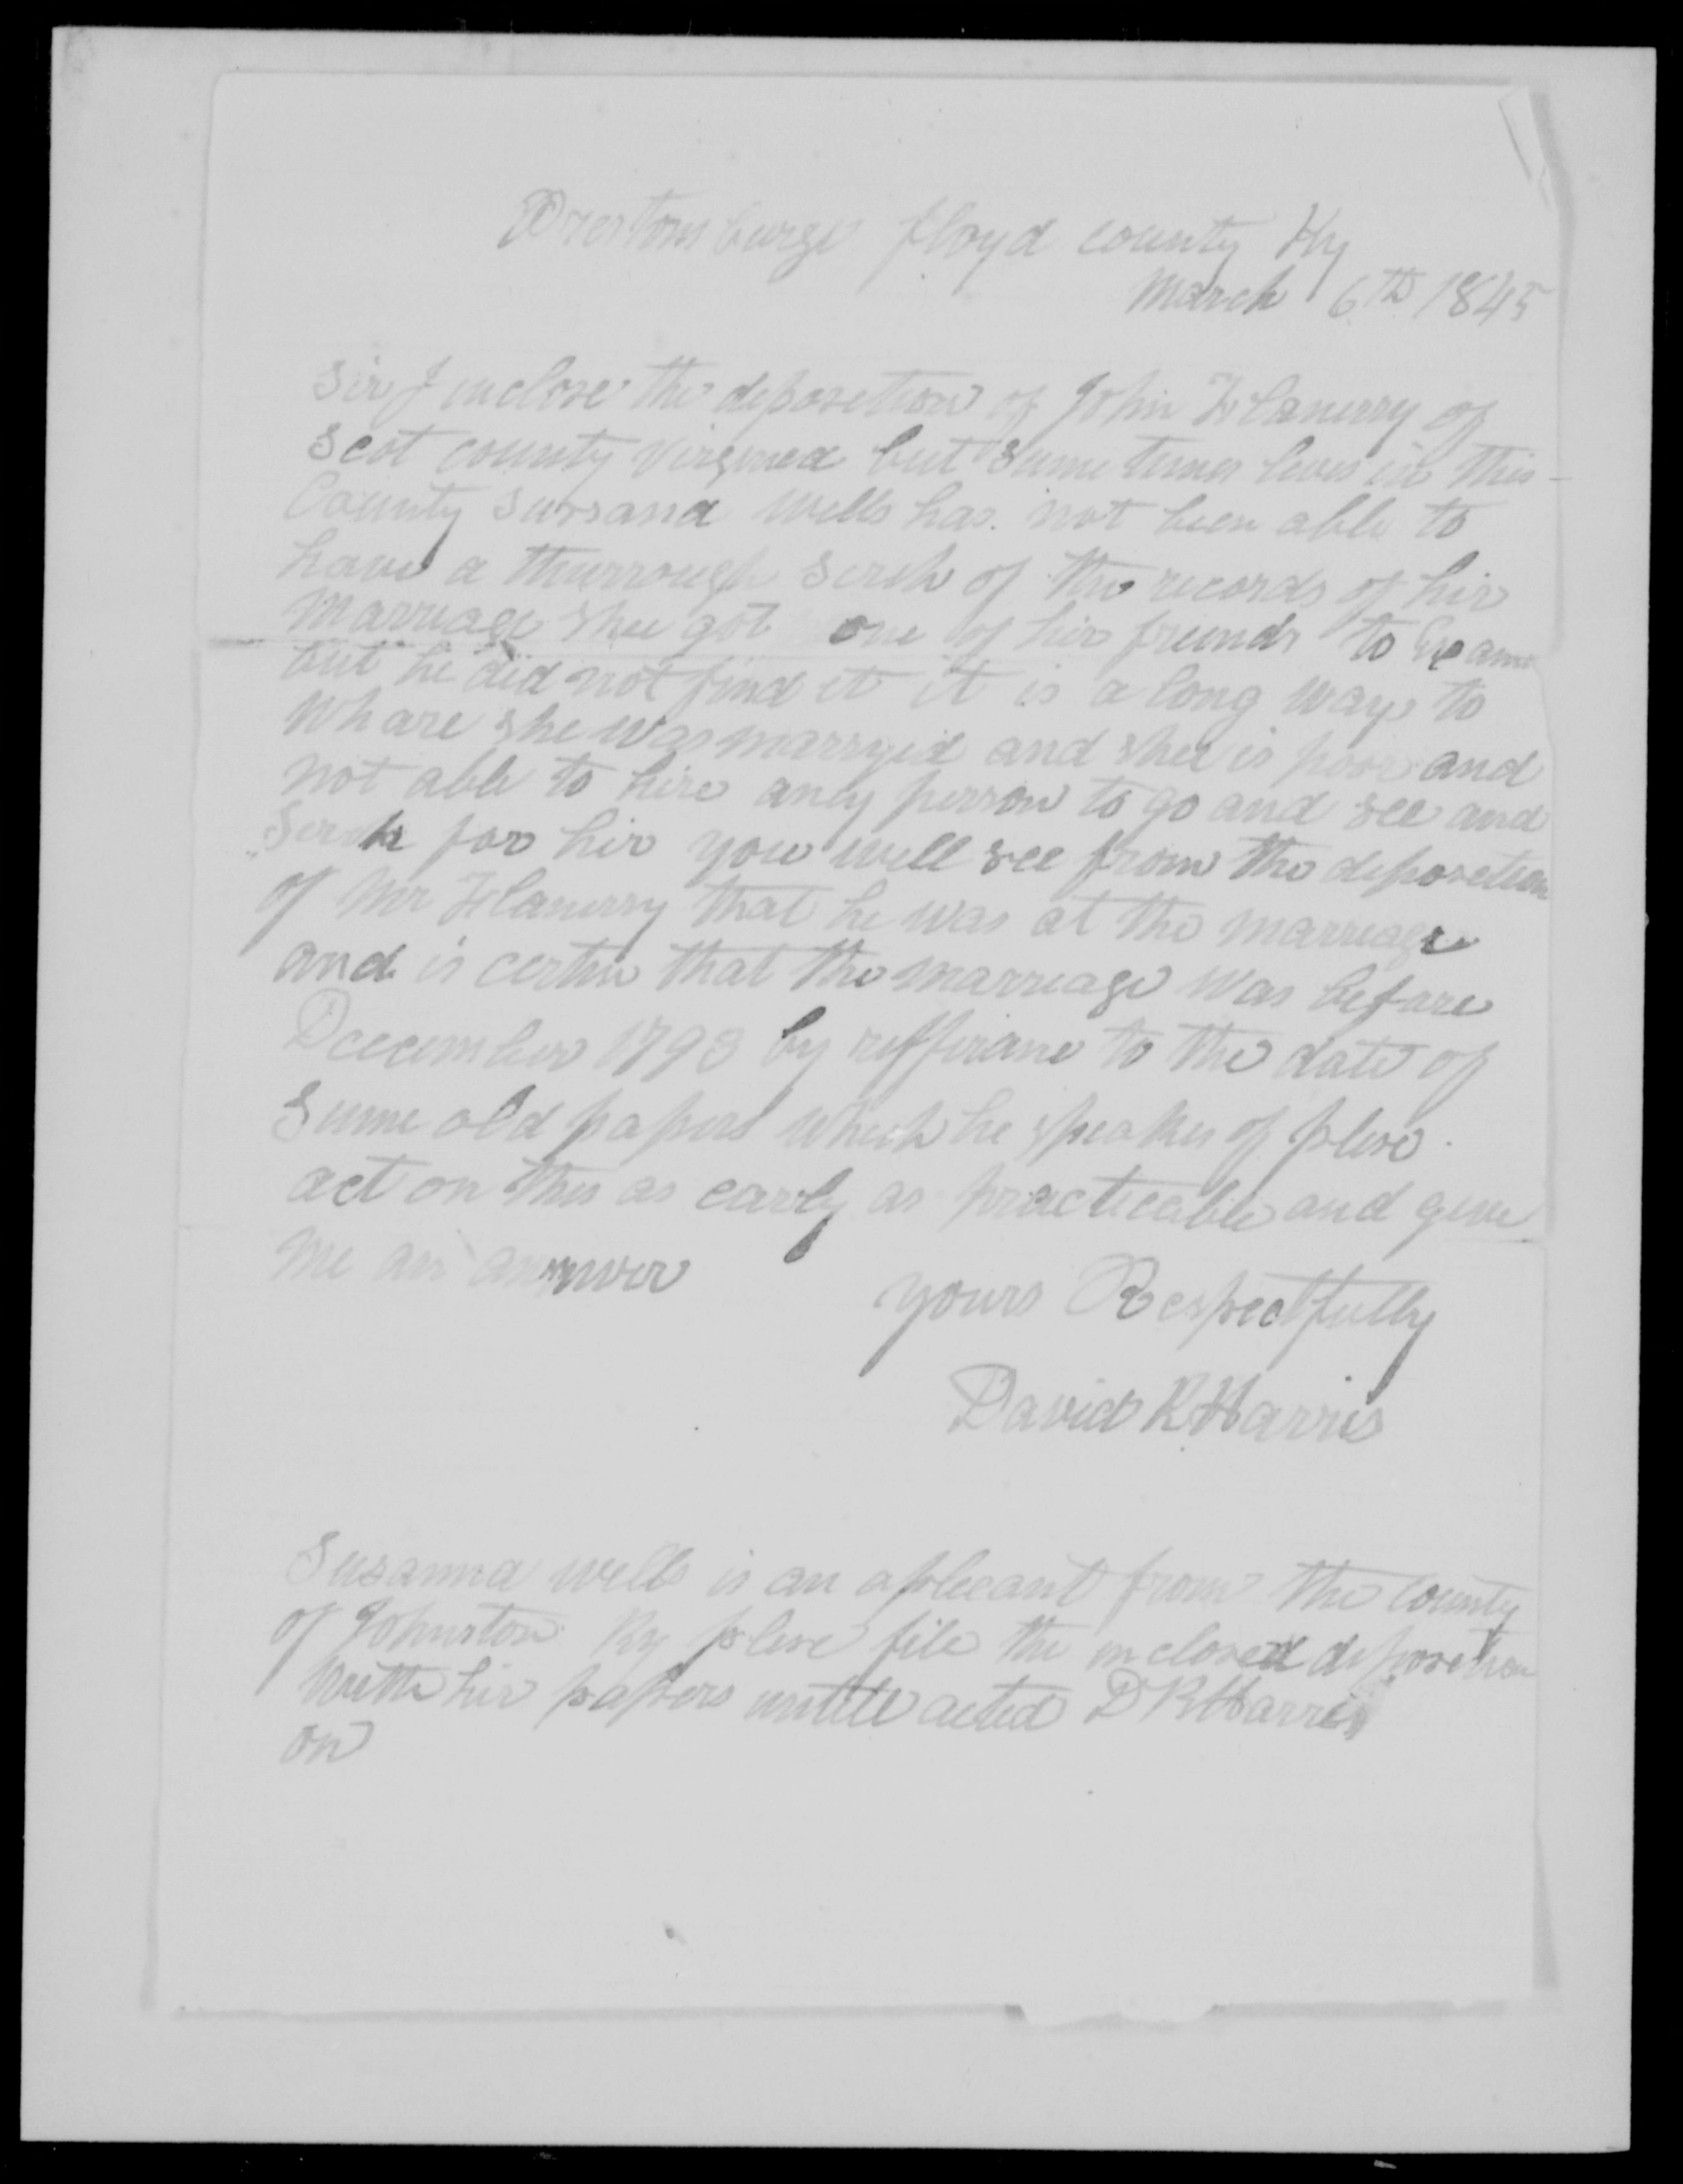Prestonsburg Floyd County Ky
March 16th 1845
Sir I enclose the deposition of John Flanerry of
Scot County Virginia but some time lives in this
County. Susana Wells has not been able to
have a thurrough srch of the records of her
Marriage. She got one of her friends to examine
but he did not find it. It is a long ways to
whare she was married and she is poor and 
not able to hire any person to go and see and
search for her.  You will see from the deposition
of Mr Flanerry that he was at the Marriage
and is certin that the marriage was before
December 1798 by refferance to the date of
Sume old papers which he speaks of. Please
act on this as early as practicable and give
me an answer.
yours Respectfully
David K Harris

Susanna Wells is an applicant from the County
of Johnston Ky. Please file the enclosed deposition
with her papers until acted on. D K Harris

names: David K Harris, John Flanary, Sussana Wells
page: 51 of 100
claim: widow's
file: W. 6437, Richard Wells, Ga Va.